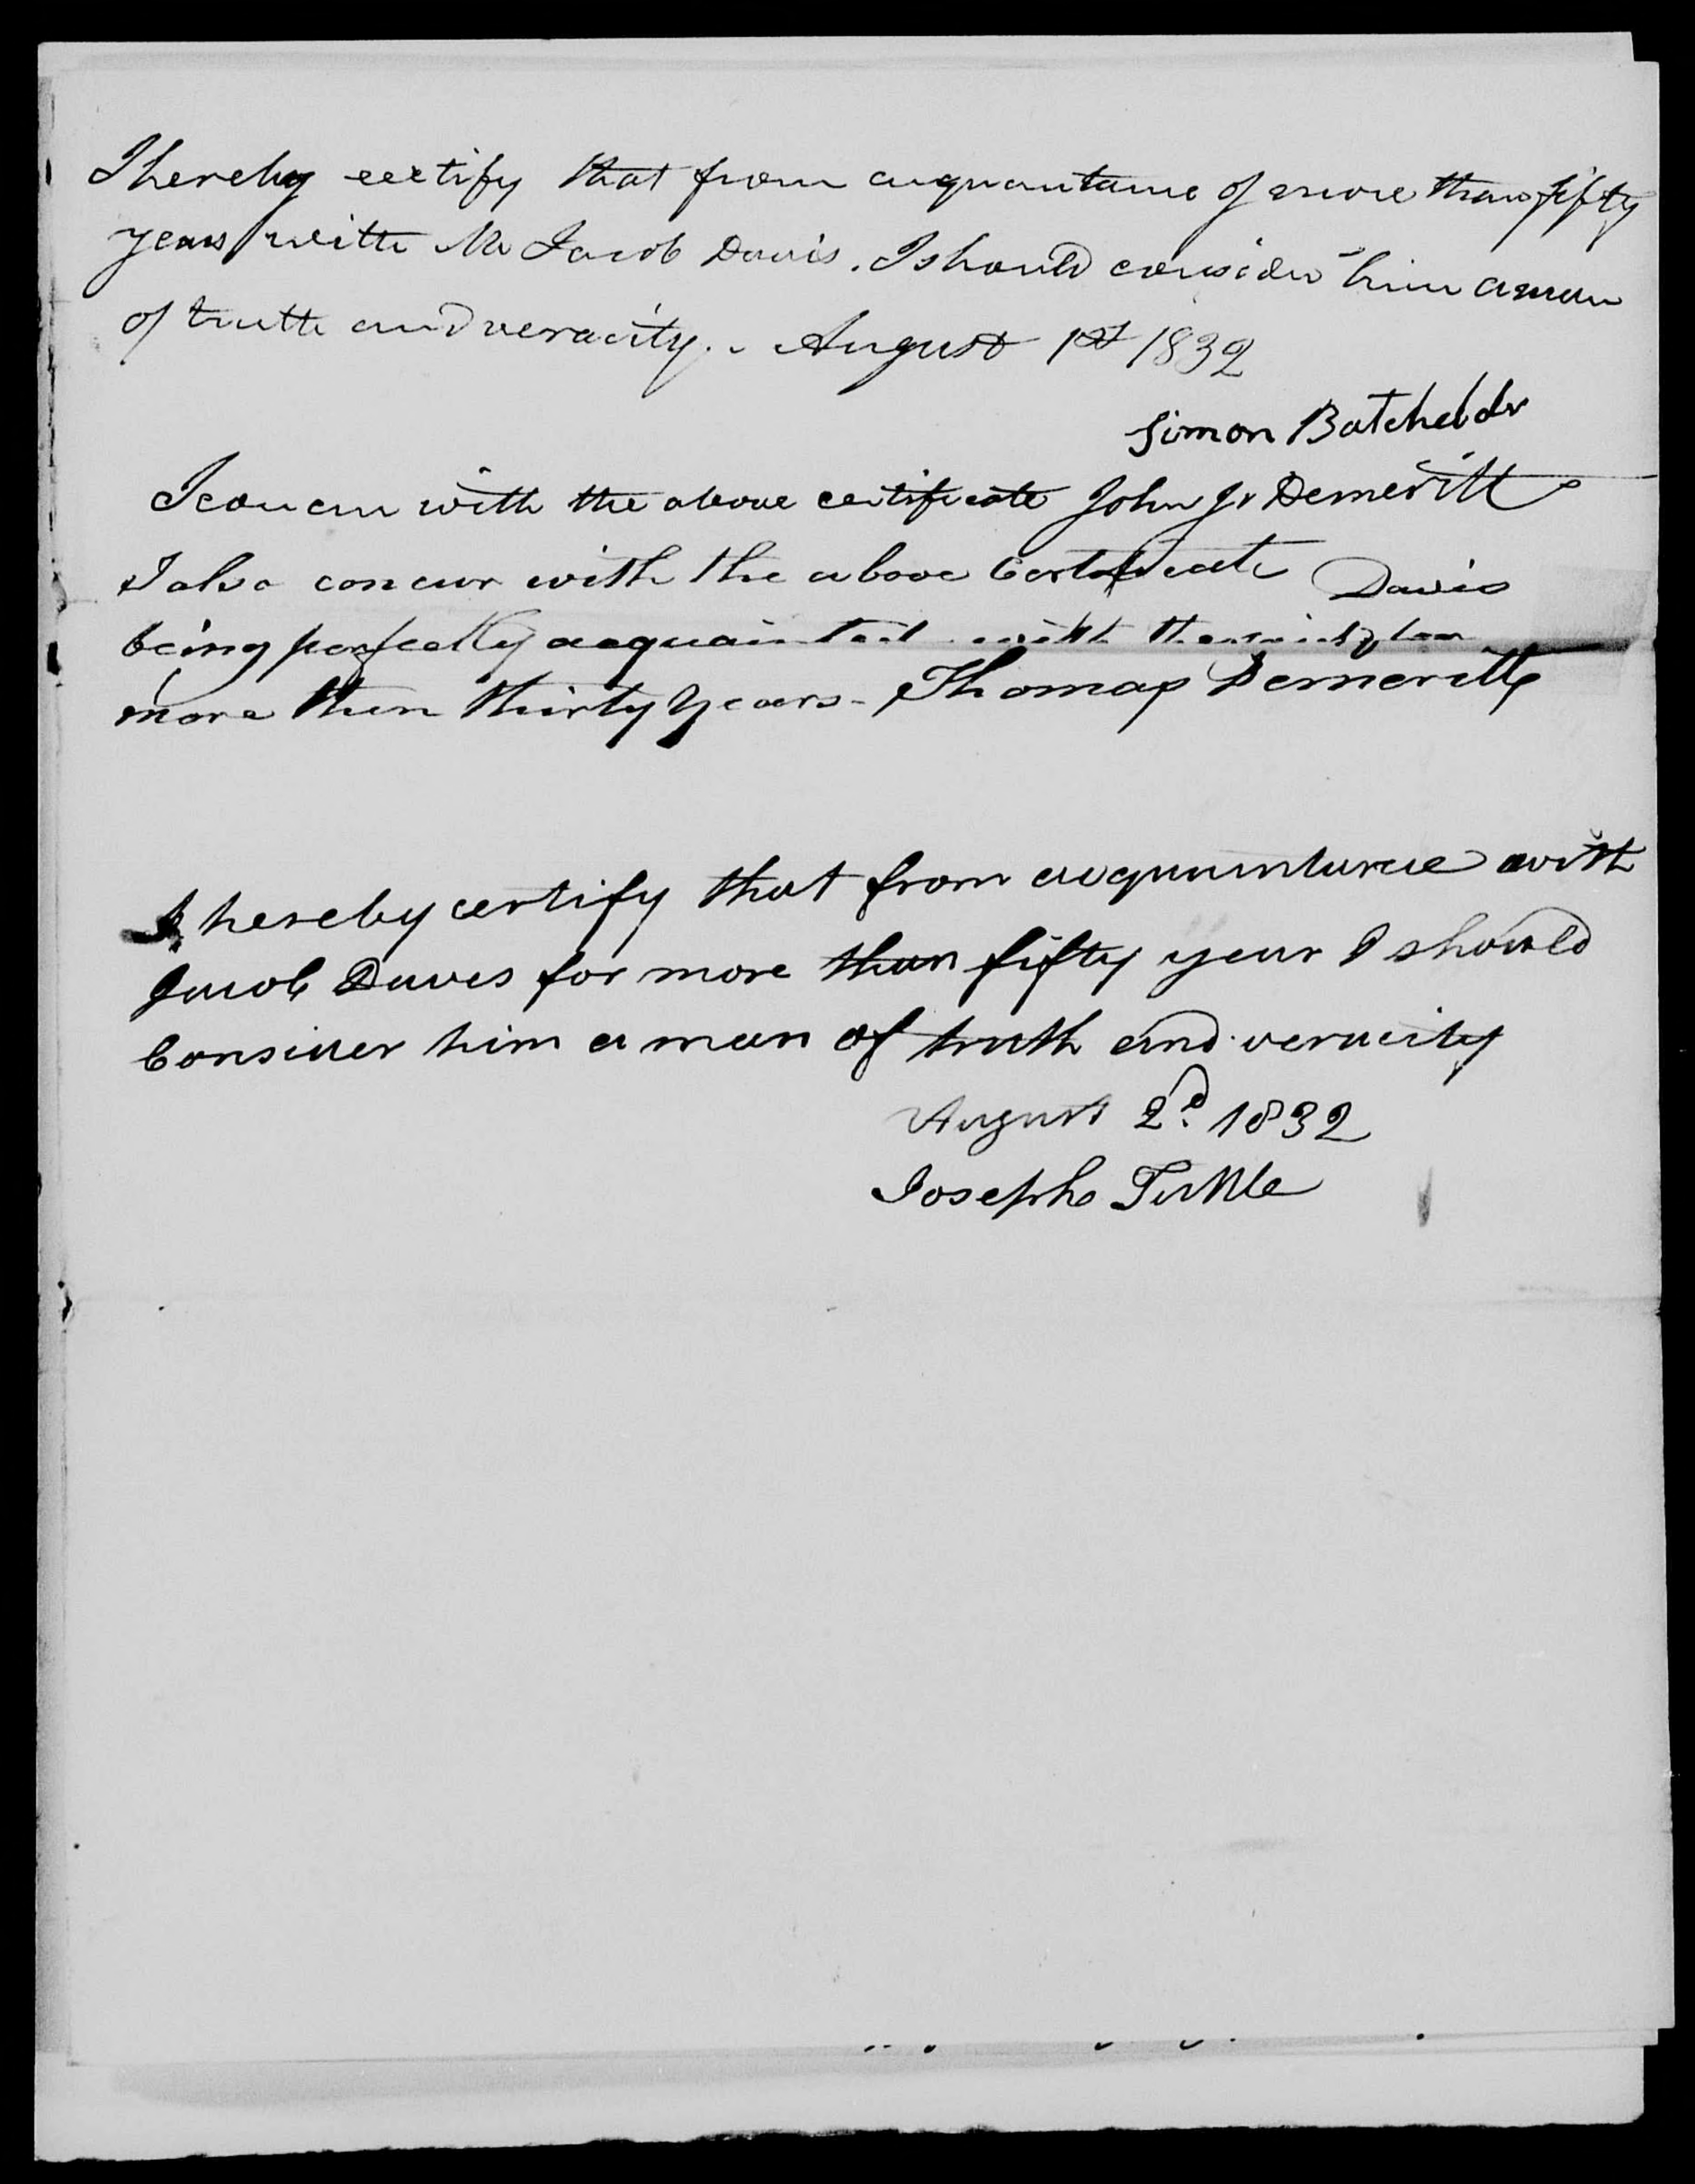I hereby certify that from acquaintance of more than fifty
years with Mr Jacob Davis. I should consider him a man
of truth and veracity.-- August 1st 1832
Simon Batchelder
I concur with the above certificate John J Demeritt
I also concur with the above certificate
being perfectly acquainted with the said Davis for
more than thirty years. Thomas Demeritt
I hereby certify that from acquaintance with
Jacob Davis for more than fifty year I should
consider him a man of truth and veracity
August 2d 1832
Joseph Tuttle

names: Davis, Jacob Davis, Simon Batchelder, John J Demeritt, Joseph Tuttle, Jacob Davis, Thomas Demeritt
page: 29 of 47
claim: widow's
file: W. 24043, Jacob Davis, N.H.